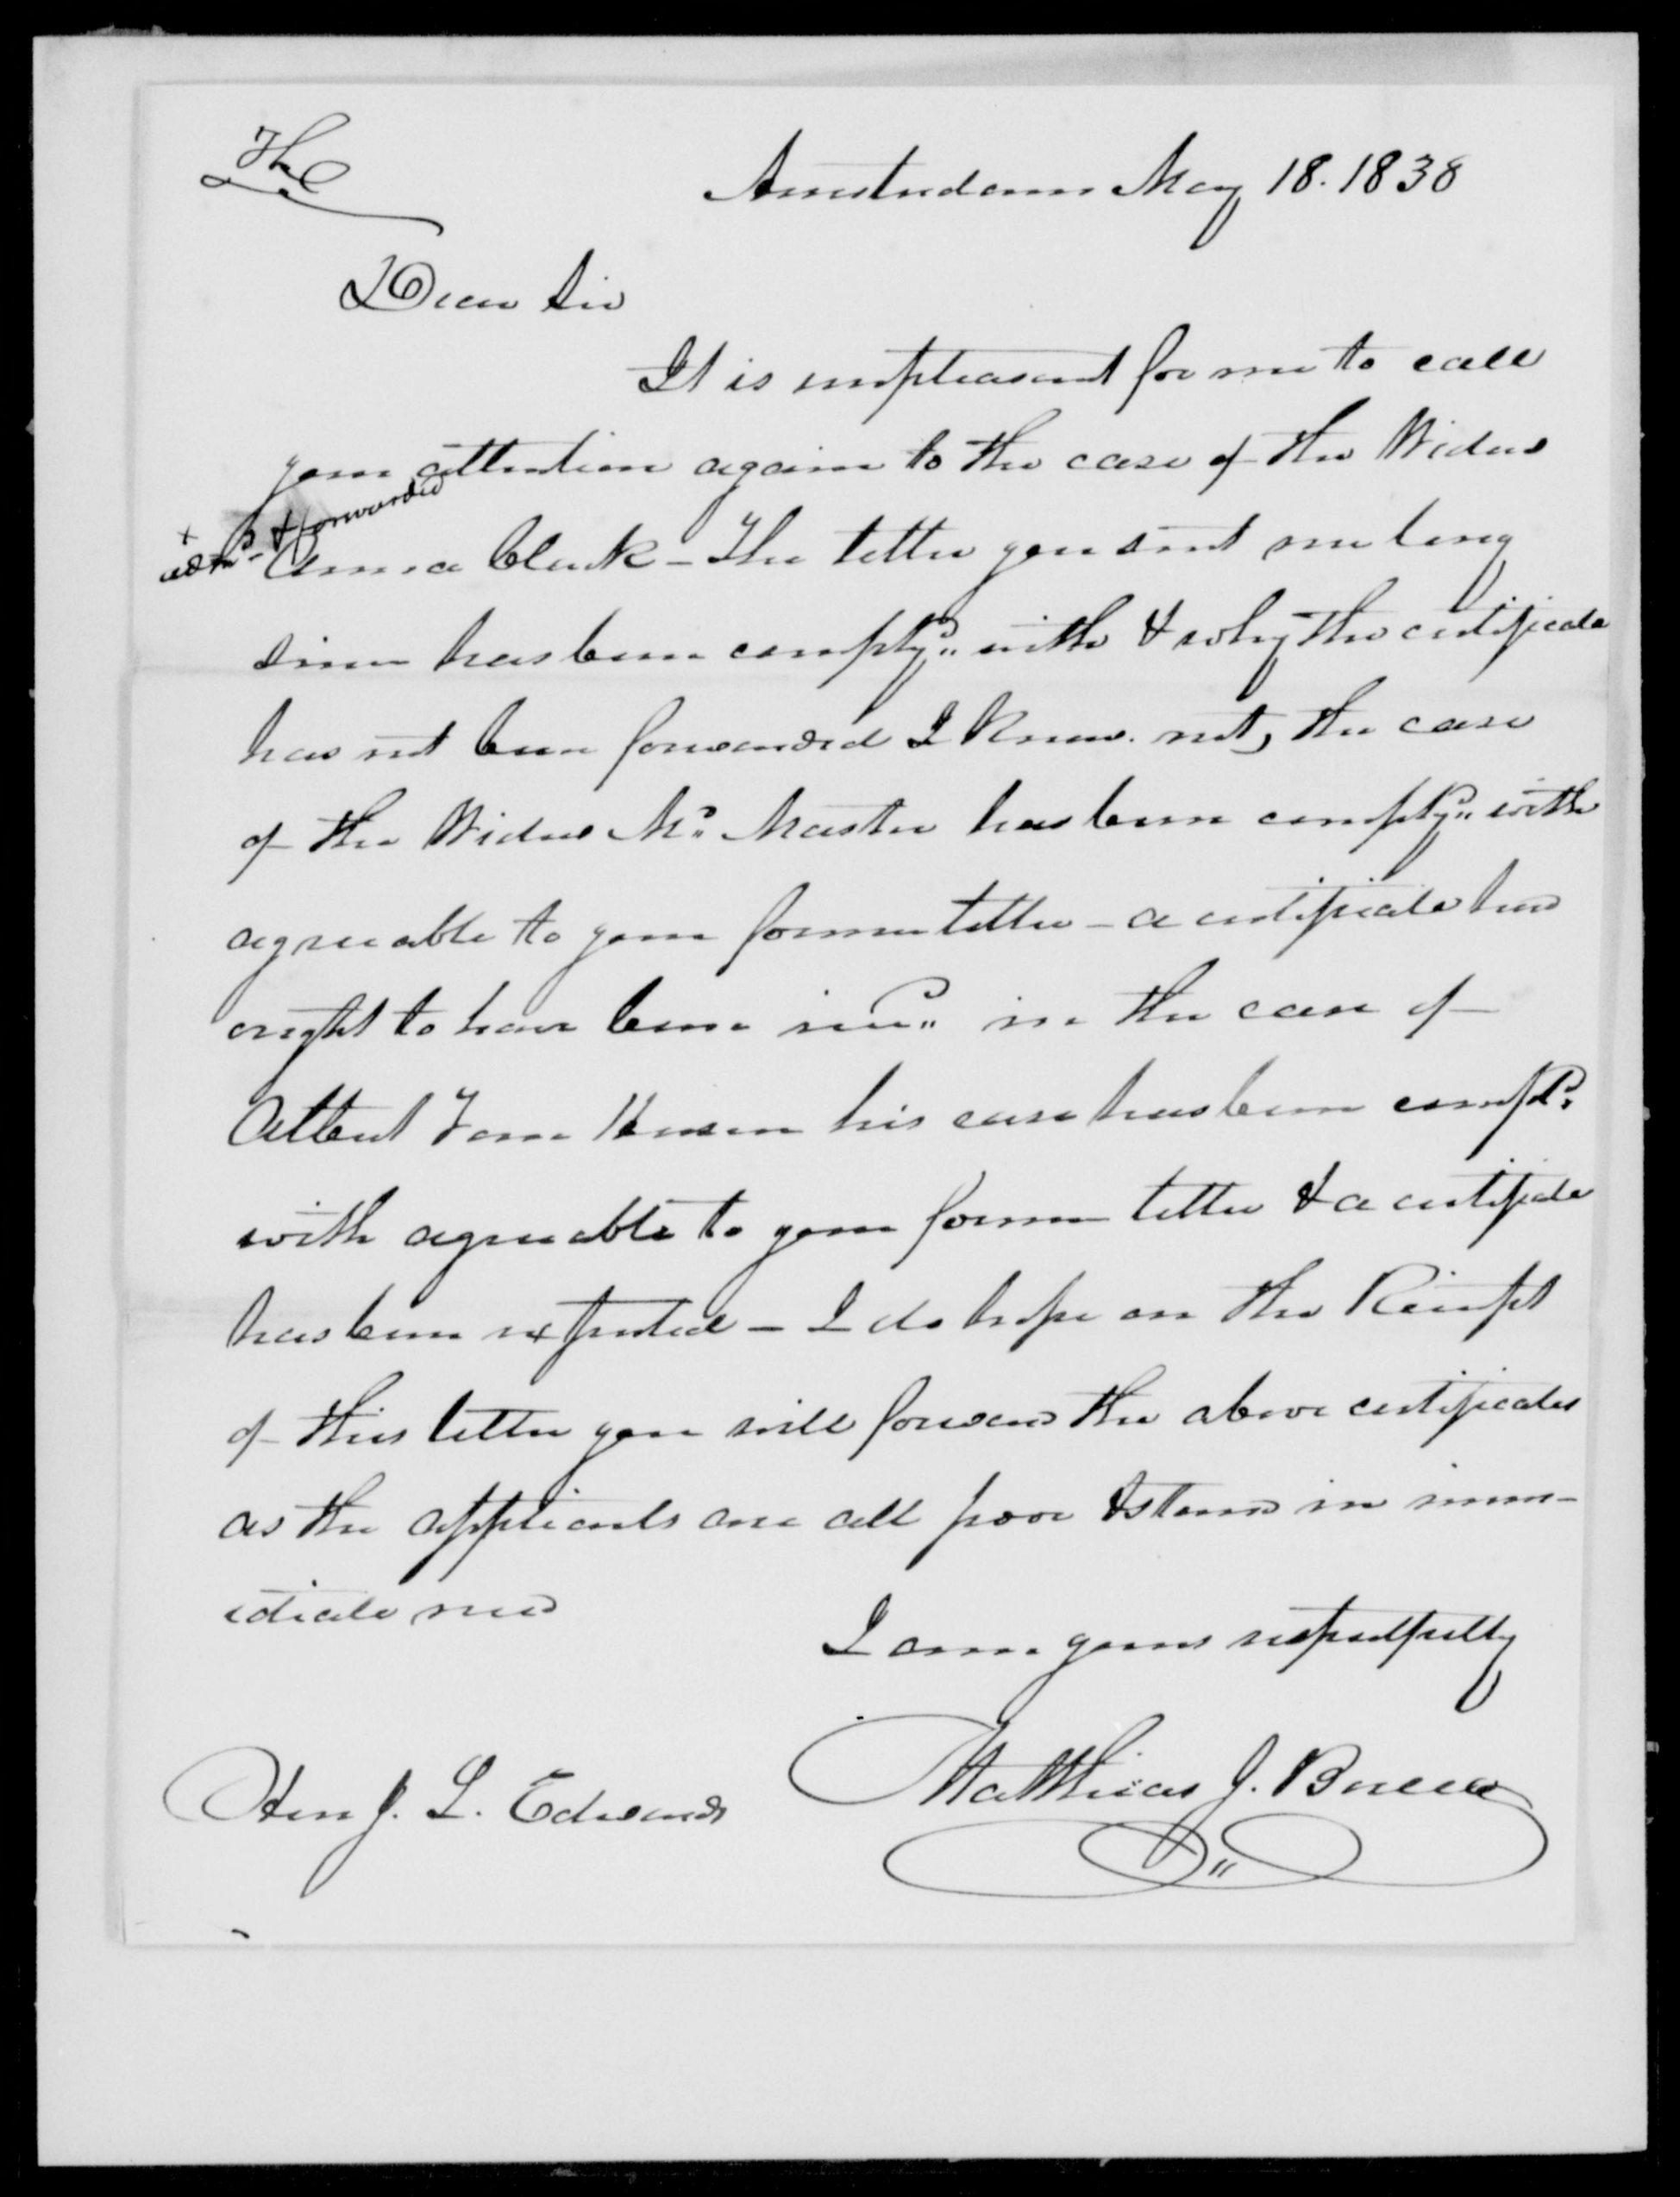The
Amsterdam May 18. 1838 
Dear Sir 
It is unpleasant for me to call you attention again to the case of the Widow Anna Clark. 

[side note] admd & forwarded

The letter you sent me long since has been complyd with & why the certificate has not been forwarded I know not, the case of the Widow McMaster has been complyd with agreeable to your former letter, a certificate [illegible] ought to have been [illegible] in the case of Albert Van Husen his case has been complyd with agreeable to your former letter & a certificate has been expected - I do hope on the Receipt of this letter you will forward the above certificate as the applicants are all poor & stand in immediate need 
I am yours respectfully 
[signed] Matthias J. Bovee

Hon J. L. Edwards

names: Mc Master, J L Edwards, Anna Clark, Albert Van Husen, Matthias J Bovee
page: 39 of 57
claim: survivor's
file: S. 28,925, Albert Van Housen, New York